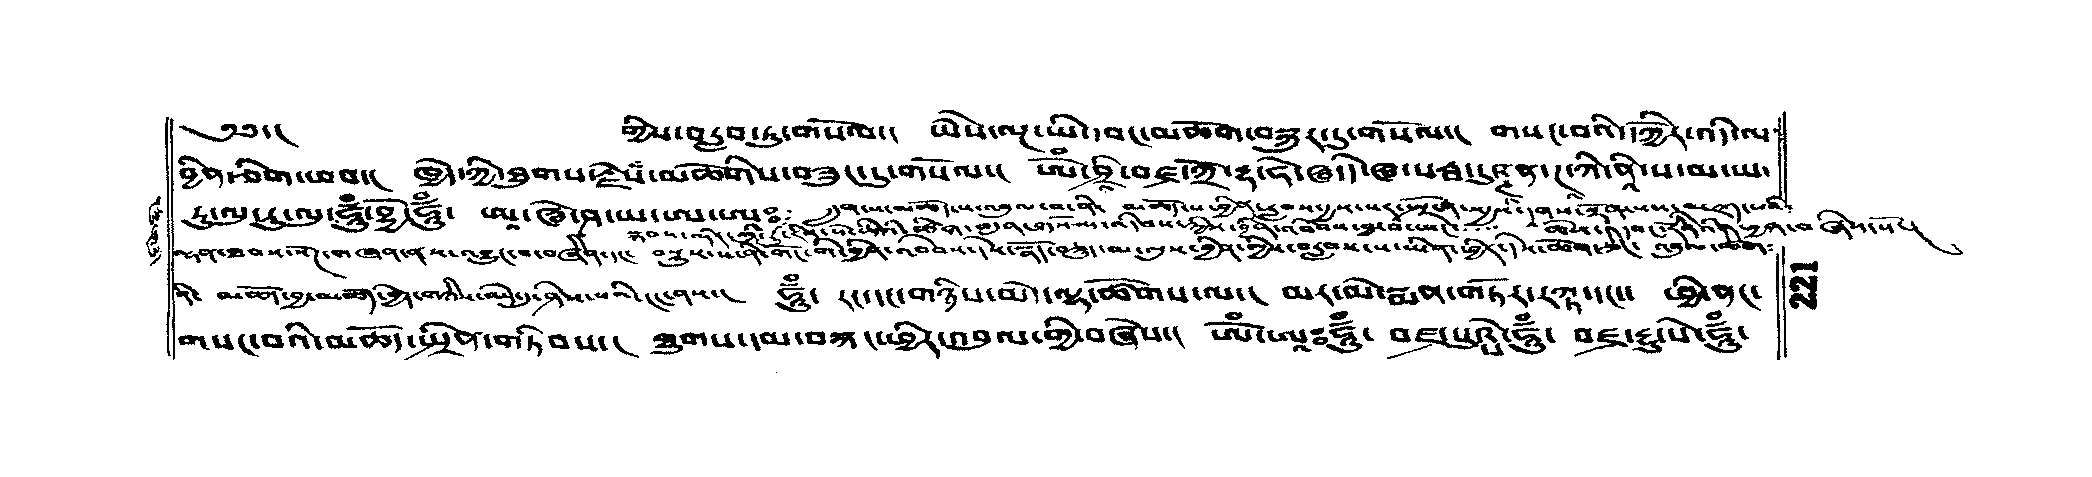གྱིས་བརླབ་ཏུ་གསོལ། །ཡེ་ཤེས་ལྔ་ཡི་དབང་མཆོག་བསྐུར་དུ་གསོལ། །གསང་བའི་དཀྱིལ་འཁོར་འདི་ལ་
བྱིན་ཅིག་ཕབ། །ཁྱེད་ཀྱིས་ཐུགས་རྗེས་མཆོག་གིས་བཟུང་དུ་གསོལ། །ཨོཾ་ཤྲཱི་བཛྲ་ཀྲོ་དྷ་ཧེ་ཝ་དེ་ཝ་སརྦ་དུཥྚན་ཌཱ་ཀི་ནཱི་ས་མ་ཡ་
རུ་ལུ་རུ་ལུ་ཧཱུྃ་བྷྱོ་ཧཱུྃ། ཨཱ་ཝེ་ཤ་ཡ་ཨ་ཨཱཿ དྲུག་པ་མཆོད་པ་འབུལ་བ་ནི། མཆོད་པ་བྱིན་རླབས་རྒྱས་པར་སྤྲོ་ན་སངས་རྒྱས་དྭགས་སྟོན་པས་མཛད་པའི་
ལྷན་ཐབས་སོགས་གཞན་ནས་འབྱུང་བ་བཞིན་དང་། བསྡུས་པ་ནི་གོང་གི་བྱིན་འབེབས་དེས་སྣོད་བཅུད་མ་ལུས་བྱིན་གྱིས་བརླབས་པ་ཡིན་ཕྱིར་དེས་ཆོག་ཅིང་།འབུལ་ཚིག་
ནི། མཆོད་བྱ་དང་མཆོད་བྱེད་གཉིས་མེད་དུ་ཤེས་པའི་ངང་ནས ཧཱུྃ། རང་དང་གཉིས་མེད་ལྷ་ཚོགས་ལ། །མར་མེ་སྨན་གཏོར་རཀྟ་དང་། ཕྱི་ནང་
གསང་བའི་མཆོད་སྤྲིན་གཏིབས། ཐུགས་དམ་བསྐང་ཕྱིར་འབུལ་གྱི་བཞེས། །ཨོཾ་ཨཱ་ཧཱུྃ། བཛྲ་དྷུ་པེ་ཧཱུྃ་